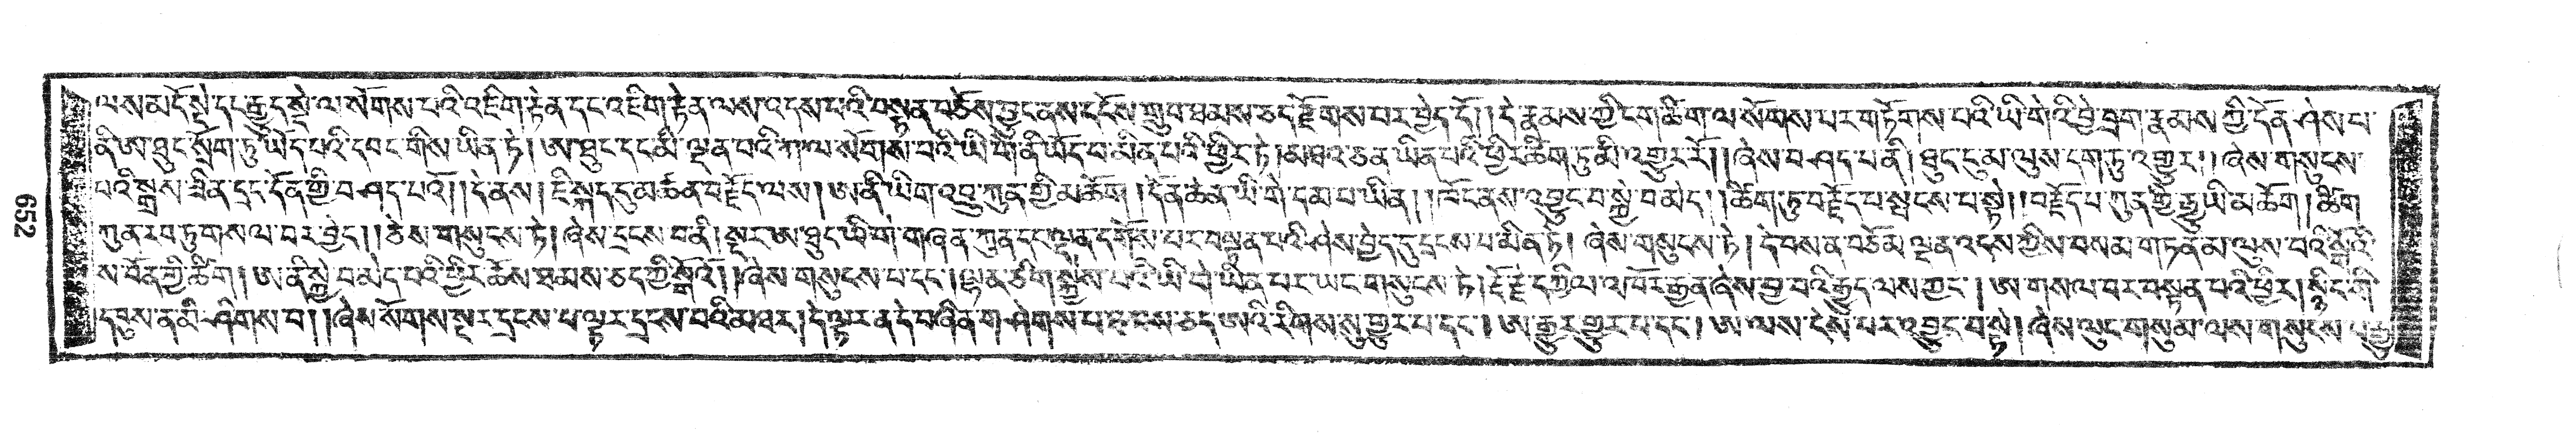ལས་མདོ་སྡེ་དང་རྒྱུད་སྡེ་ལ་སོགས་པའི་འཇིག་རྟེན་དང་འཇིག་རྟེན་ལས་འདས་པའི་བསྟན་བཅོས་བྱུང་ནས་དངོས་གྲུབ་ཐམས་ཅད་རྫོགས་པར་བྱེད་དོ། །དེ་རྣམས་ཀྱི་ངག་ཚིག་ལ་སོགས་པར་གཏོགས་པའི་ཡི་གེའི་བྱེ་བྲག་རྣམས་ཀྱི་དོན་ཤེས་པ་
ནི་ཨ་ཐུང་སྲེག་ཏུ་ཡོད་པའི་དབང་གིས་ཡིན་ཏེ། ཨ་ཐུང་དང་མི་ལྡན་པའི་ཀ་ལ་སོགས་པའི་ཡི་གེ་ནི་ཡོད་པ་མིན་པའི་ཕྱིར་ཏེ། མཐའ་ཅན་ཡིན་པའི་ཕྱིར་ཚིག་ཏུ་མི་འགྱུར་རོ། །ཞེས་བཤད་པ་ནི། ཐུང་ངུ་མ་ལུས་དག་ཏུ་འགྱུར། །ཞེས་གསུངས་
པའི་སྒས་ཟིན་དྲང་དོན་གྱི་བཤད་པའོ། །དེ་ནས། ཇི་སྐད་དུ་མཚན་བརྗོད་ལས། ཨ་ནི་ཡིག་འབྲུ་ཀུན་གྱི་མཆོག །དོན་ཆེན་ཡི་གེ་དམ་པ་ཡིན། །ཁོང་ནས་འབྱུང་བ་སྐྱེ་བ་མེད། །ཚིག་ཏུ་བརྗོད་པ་སྤངས་པ་སྟེ། །བརྗོད་པ་ཀུན་གྱི་རྒྱུ་ཡི་མཆོག །ཚིག་
ཀུན་རབ་ཏུ་གསལ་བར་བྱེད། །ཅེས་གསུངས་ཏེ། ཞེས་དྲངས་པ་ནི། སྔར་ཨ་ཐུང་ཡི་གེ་གཞན་ཀུན་དང་ལྡན་དགོས་པར་བསྟན་པའི་ཤེས་བྱེད་དུ་དྲངས་པ་མིན་ཏེ། ཞེས་གསུངས་ཏེ། དེ་བས་ན་བཅོམ་ལྡན་འདས་ཀྱིས་བསམ་གཏན་མ་ལུས་པའི་སྒོའི་
ས་བོན་གྱི་ཚིག །ཨ་ནི་སྐྱེ་བ་མེད་པའི་ཕྱིར་ཆོས་ཐམས་ཅད་ཀྱི་སྒོའི། །ཞེས་གསུངས་པ་དང་། ལྷན་ཅིག་སྐྱེས་པའི་ཡི་གེ་ཡིན་པར་ཡང་གསུངས་ཏེ། རྡོ་རྗེ་དཀྱིལ་འཁོར་རྒྱན་ཞེས་བྱ་བའི་རྒྱུད་ལས་ཀྱང་། ཨ་གསལ་བར་བསྟན་པའི་ཕྱིར། སྙིང་གི་
དབུས་ན་མི་ཤིགས་པ། །ཞེས་སོགས་སྔར་དྲངས་པ་ལྟར་དྲངས་པའི་མཐར། དེ་ལྟར་ན་དེ་བཞིན་གཤེགས་པ་ཐམས་ཅད་པའི་རིགས་སུ་གྱུར་པ་དང་། ཨ་རྒྱུར་གྱུར་པ་དང་། ཨ་ལས་ངེས་པར་འབྱུང་བ་སྟེ། ཞེས་ལུང་གསུམ་ལས་གསུངས་པ་རྒྱུ་